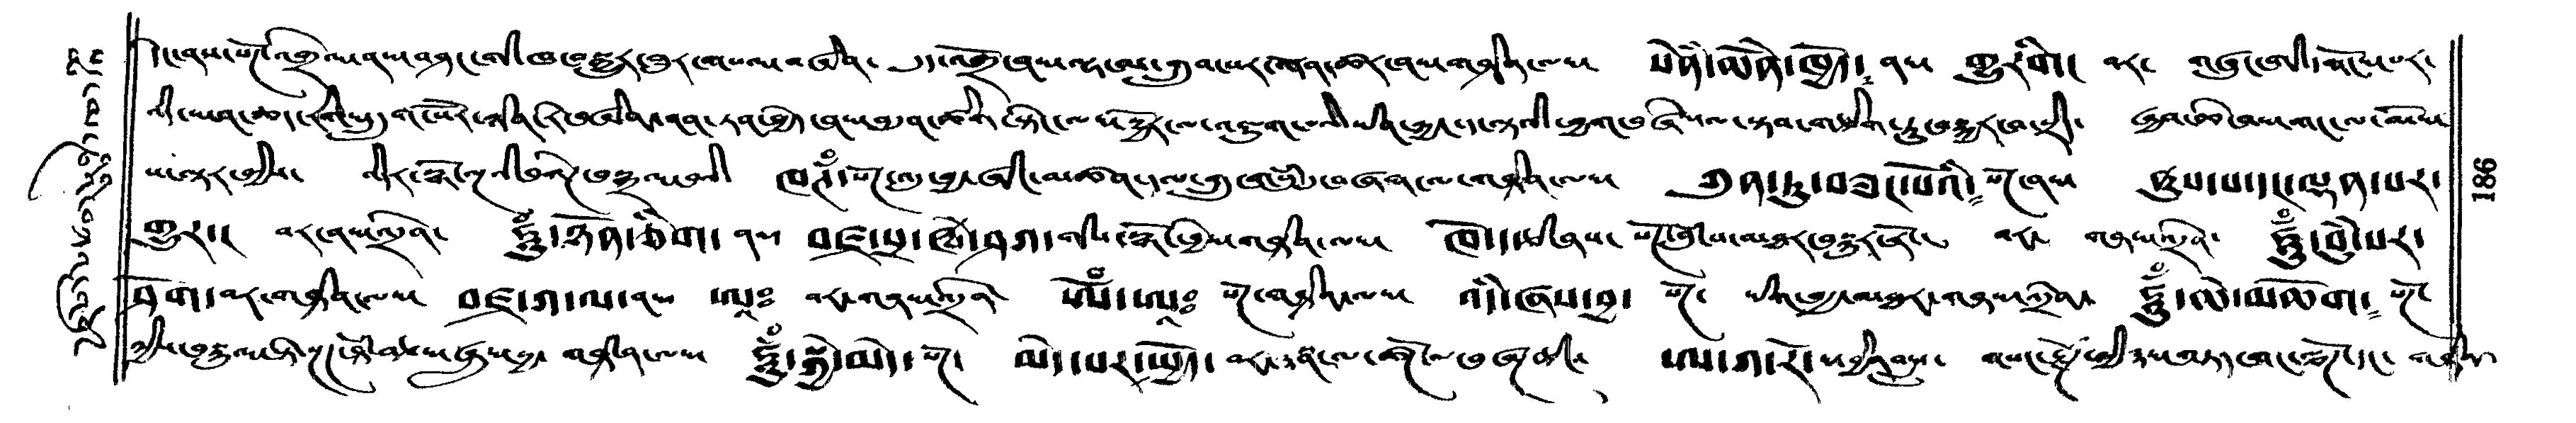དེང་ནས༴ སོགས་འགྲེལ་ནས་ཁ་སྒྱུར་ཟུར་གསལ་བཞིན། དུད་འགྲོ་ནས་ལྷ་མ་གྲུབ་པར་འདོན་ཚར་ནས་གཤིན་ལས། སེམས་ཅན་ཆེན་པོ་ཁྱོད༴ ནས། གྱུར་ཅིག༔བར། གཞུང་གི་དགོངས་པར་
འདི་ཡན་ཆད་རིགས་དྲུག་སོ་སོར་ཉིན་རེ་བཞིན་ནན་ཏན་བྱས་ནས་བདུན་ཚིགས་སྟེང་ལས་སྦྱོར་ལ་འཇུག་པ་ཡིན་ཀྱང་ད་ལྟའི་ཕྱག་བཞེས་ལ་སྟབས་གཅིག་ཏུ་སྐྱོར་བ་ཁྱབ་ཆེ་བས་གང་ལ་མོས་
པ་ལྟར་གྱིས། འདིར་སྒོ་ལྔའི་བགེགས་བསྒྲལ་བའི་ཁ་ཊྃ་སོགས་འདུ་བྱ་ཞིང་མཚན་དལ་གྲུ་གསུམ་དུ་བཞག་ལ་གཤིན་ལས། ཀུན་ཏུ་བཟང་པོའི༴ སོགས་ནས། ནུས་པ་དང་ལྡན་པར་
གྱུར༔ བར། གནས་འདྲེན། ཧཱུྃ༔ ཉོན་ཅིག༴ ནས། བཛྲ་པྲ་ཝེ་ཤ༴ སྒོ་ཕྱེས། གཤིན་ལས། འོ་ད་ཅི་ནས༴ སོགས་བུམ་པའི་དབང་བསྐུར་རོ༔ གནས་འདྲེན། ཧཱུྃཿ བུམ་པར་
ཤོག༴ ནས་གཤིན་ལས། བཛྲ་ཀ་ལ༴ ནས། ཨཱ༔ བར་གནས་འདྲེན། ཨོཾ་ཨཱ༴ སོགས་གཤིན་ལས། འདི་ཞེས་བྱ༴ སོགས། ཡིག་བརྒྱའི་མཐར་གནས་འདྲེན། ཧཱུྃ་ཆེ༔ མཆོག༴ སོགས་
ཀྱིས་བསྐུལ་ཏེ་སྔགས་གཤམ་བཅས་ཁྲུས་བྱ། གཤིན་ལས། ཧཱུྃ༔སྐྱེ་མེད༴ སོགས། མེད་པར་སྤྱོད༔ བར། ཟས་སྣ་ཚོགས་ལ་བཞག་ཅིང་། ཨ་ཀ་རོ ས་བྱིན་བརླབ། གསང་རྫོགས་ཀྱི་ཟས་གཏད་གང་ལྕོགས་དང་། གཤིན་ལས་